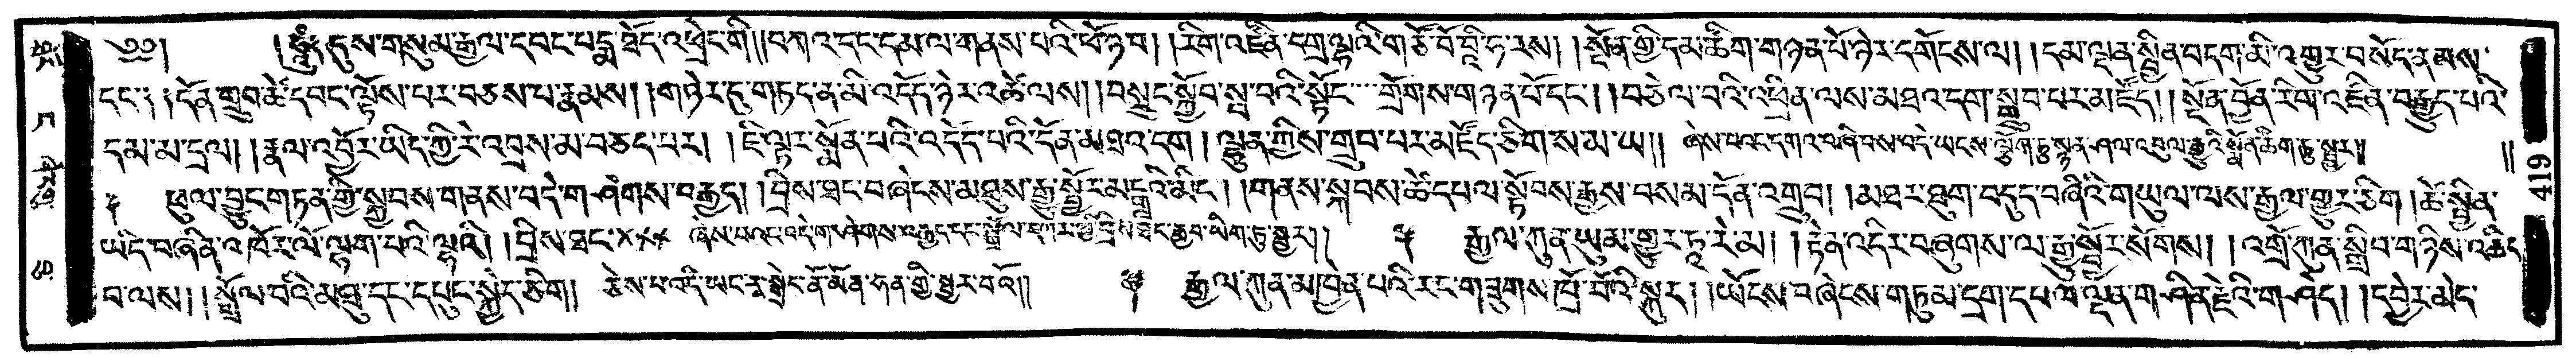༄༅། །ཧཱུཾ། དུས་གསུམ་རྒྱལ་དབང་པདམ་ཐོད་འཕྲེང་གི །བཀའ་དང་དམ་ལ་གནས་པའི་ཕོ་ཉ་བ། །རིག་འཛིན་དགྲ་ལྷའི་གཙོ་བོ་བཱི་ཧ་རས། །སྔོན་གྱི་དམ་ཚིག་གཉན་པོ་ཉེར་དགོངས་ལ། །དམ་ལྡན་སྦྱིན་བདག་མི་འགྱུར་བསོད་ནམས་
དང་། །དོན་གྲུབ་ཚེ་དབང་ལྟོས་པར་བཅས་པ་རྣམས། །གཉེར་དུ་གཏད་ན་མི་འདོད་ཉེར་འཚེ་ལས། །བསྲུང་སྐྱོབ་སྦ་བའི་སྟོང་གྲོགས་གཉན་པོ་དང་། །བཅེལ་བའི་འཕྲིན་ལས་མཐའ་དག་སྒྲུབ་པར་མཛོད། །སྔོན་བྱོན་རིག་འཛིན་བརྒྱུད་པའི་
དམ་མ་དྲལ། །རྣལ་འབྱོར་ཡིད་ཀྱི་རེ་འབྲས་མ་བཅད་པར། །ཇི་ལྟར་སྨོན་པའི་འདོད་པའི་དོན་མཐའ་དག །ལྷུན་ཀྱིས་གྲུབ་པར་མཛོད་ཅིག་ས་མ་ཡ། །ཞེས་པའང་དགའ་བཞི་བས་བདེ་ཡངས་ལྕོག་ཏུ་སྙན་ཤལ་འབུལ་རྒྱུའི་སྨོན་ཚིག་ཏུ་སྦྱར།། །།
༈ ཕུལ་བྱུང་གཏན་གྱི་སྐྱབས་གནས་བདེ་གཤེགས་བརྒྱད། །བྲིས་ཐང་བཞེངས་མཐུས་རྒྱུ་སྦྱོར་མངྒཱའི་མིང་། །གནས་སྐབས་ཚེ་དཔལ་སྟོབས་རྒྱས་བསམ་དོན་འགྲུབ། །མཐར་ཐུག་བདུད་བཞིའི་གཡུལ་ལས་རྒྱལ་གྱུར་ཅིག །ཚེ་སྦྱིན་
ཡིད་བཞིན་འཁོར་ལོ་ལྷག་པའི་ལྷའི། །བྲིས་ཐང་྾་྾་྾་ཞེས་པའང་བདེ་གཤེགས་བརྒྱད་དང་སྒྲོལ་དཀར་ཀྱི་བྲིས་ཐང་རྒྱབ་ཡིག་ཏུ་སྦྱར། །༈ རྒྱལ་ཀུན་ཡུམ་གྱུར་ཏཱ་རེ་མ། །རྟེན་འདིར་བཞུགས་ལ་རྒྱུ་སྦྱོར་སོགས། །འགྲོ་ཀུན་སྒྲིབ་གཉིས་འཆིང་
བ་ལས། །སྒྲོལ་བའི་མཐུ་དང་དཔུང་སྐྱེད་ཅིག །ཅེས་པ་འདི་ཡང་རྭ་སྒྲེང་ནོ་མོན་ཧན་གྱི་སྦྱར་བའོ། །༈ རྒྱལ་ཀུན་མཁྱེན་པའི་རང་གཟུགས་ཁྲོ་བོའི་སྐུར། །ཡོངས་བཞེངས་གཏུམ་དྲག་དཔལ་ལྡན་གཤིན་རྗེའི་གཤེད། །དབྱེར་མེད་